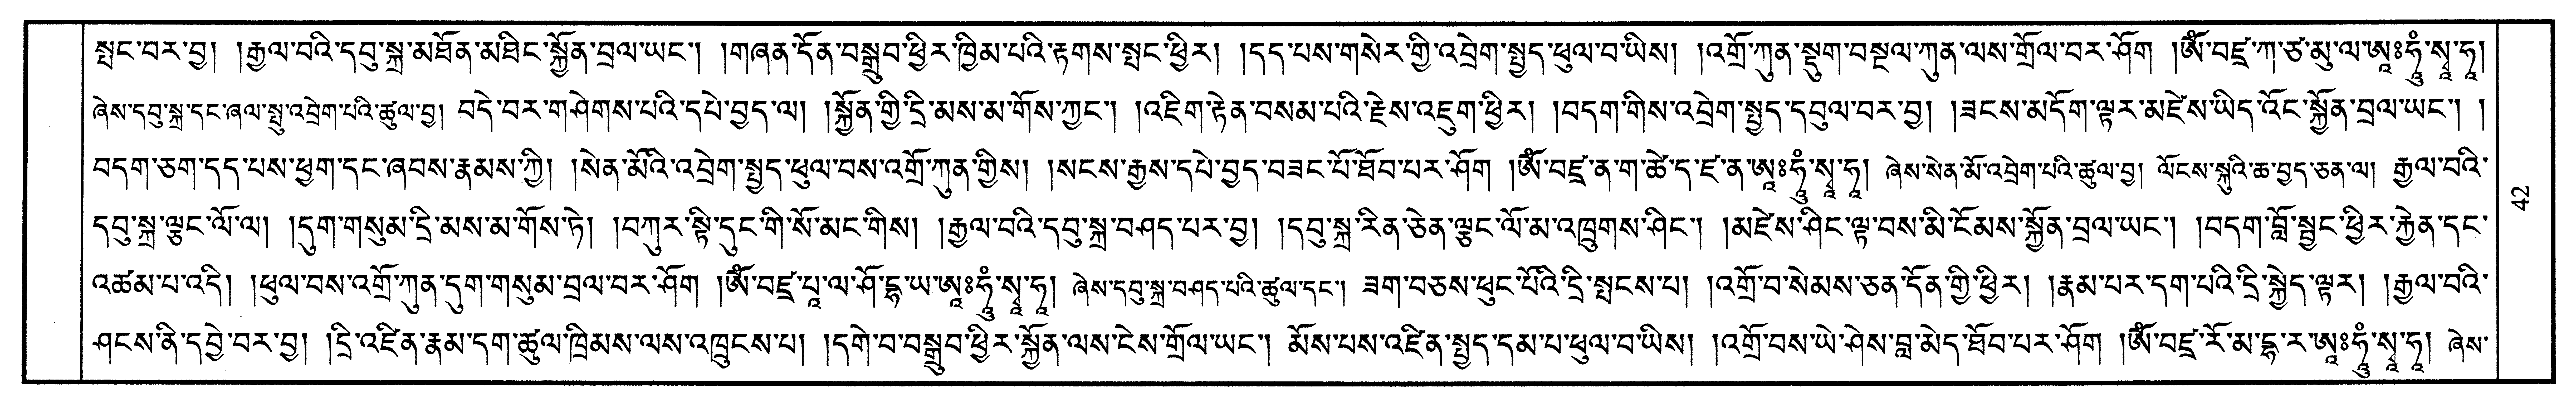སྤང་བར་བྱ། །རྒྱལ་བའི་དབུ་སྐྲ་མཐོན་མཐིང་སྐྱོན་བྲལ་ཡང་། །གཞན་དོན་བསྒྲུབ་ཕྱིར་ཁྱིམ་པའི་རྟགས་སྤང་ཕྱིར། །དད་པས་གསེར་གྱི་འབྲེག་སྤྱད་ཕུལ་བ་ཡིས། །འགྲོ་ཀུན་སྡུག་བསྔལ་ཀུན་ལས་གྲོལ་བར་ཤོག །ཨོཾ་བཛྲ་ཀ་ཙ་མུ་ལ་ཨཱཿ ཧཱུཾ་སྭཱ་ཧཱ།
ཞེས་དབུ་སྐྲ་དང་ཞལ་སྤུ་འབྲེག་པའི་ཚུལ་བྱ། བདེ་བར་གཤེགས་པའི་དཔེ་བྱད་ལ། །སྐྱོན་གྱི་དྲི་མས་མ་གོས་ཀྱང་། །འཇིག་རྟེན་བསམ་པའི་རྗེས་འཇུག་ཕྱིར། །བདག་གིས་འབྲེག་སྤྱད་དབུལ་བར་བྱ། །ཟངས་མདོག་ལྟར་མཛེས་ཡིད་འོང་སྐྱོན་བྲལ་ཡང་། །
བདག་ཅག་དད་པས་ཕྱག་དང་ཞབས་རྣམས་ཀྱི། །སེན་མོའི་འབྲེག་སྤྱད་ཕུལ་བས་འགྲོ་ཀུན་གྱིས། །སངས་རྒྱས་དཔེ་བྱད་བཟང་པོ་ཐོབ་པར་ཤོག །ཨོཾ་བཛྲ་ན་ག་ཚེ་ད་ཛ་ན་ཨཱཿ ཧཱུཾ་སྭཱ་ཧཱ། ཞེས་སེན་མོ་འབྲེག་པའི་ཚུལ་བྱ། ལོངས་སྐུའི་ཆ་བྱད་ཅན་ལ། རྒྱལ་བའི་
དབུ་སྐྲ་ལྕང་ལོ་ལ། །དུག་གསུམ་དྲི་མས་མ་གོས་ཏེ། །བཀུར་སྟི་དུང་གི་སོ་མང་གིས། །རྒྱལ་བའི་དབུ་སྐྲ་བཤད་པར་བྱ། །དབུ་སྐྲ་རིན་ཅེན་ལྕང་ལོ་མ་འཁྲུགས་ཤིང་། །མཛེས་ཤིང་ལྟ་བས་མི་ངོམས་སྐྱོན་བྲལ་ཡང་། །བདག་བློ་སྦྱང་ཕྱིར་རྐྱེན་དང་
འཚམ་པ་འདི། །ཕུལ་བས་འགྲོ་ཀུན་དུག་གསུམ་བྲལ་བར་ཤོག །ཨོཾ་བཛྲ་པཱ་ལ་ཤོ་དྷ་ཡ་ཨཱཿ ཧཱུཾ་སྭཱ་ཧཱ། ཞེས་དབུ་སྐྲ་བཤད་པའི་ཚུལ་དང་། ཟག་བཅས་ཕུང་པོའི་དྲི་སྤངས་པ། །འགྲོ་བ་སེམས་ཅན་དོན་གྱི་ཕྱིར། །རྣམ་པར་དག་པའི་དྲི་སྐྱེད་ལྟར། །རྒྱལ་བའི་
ཤངས་ནི་དབྱེ་བར་བྱ། །དྲི་འཛིན་རྣམ་དག་ཚུལ་ཁྲིམས་ལས་འཁྲུངས་པ། །དགེ་བ་བསྒྲུབ་ཕྱིར་སྐྱོན་ལས་ངེས་གྲོལ་ཡང་། མོས་པས་འཛིན་སྤྱད་དམ་པ་ཕུལ་བ་ཡིས། །འགྲོ་བས་ཡེ་ཤེས་བླ་མེད་ཐོབ་པར་ཤོག །ཨོཾ་བཛྲ་རོ་མ་དྷ་ར་ཨཱཿ ཧཱུཾ་སྭཱ་ཧཱ། ཞེས་